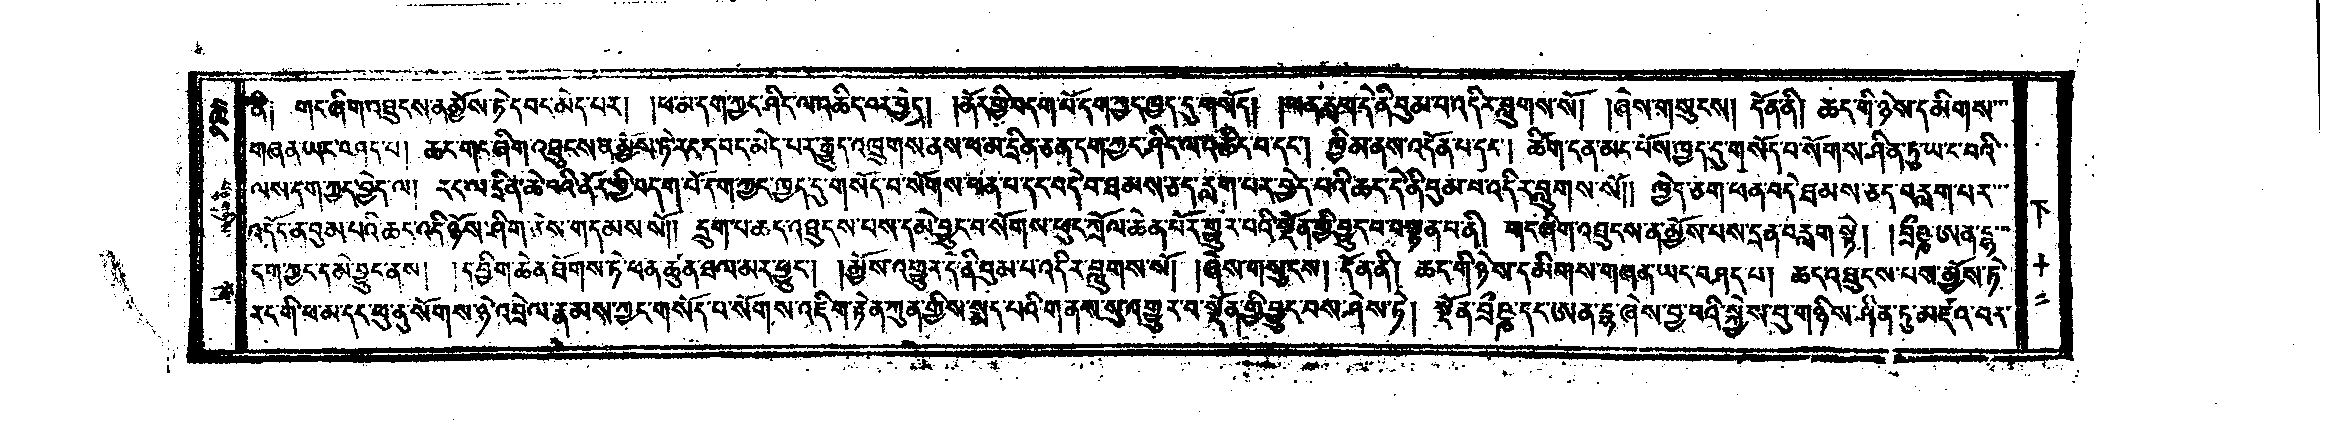ནི༑ གང་ཞིག་འཐུངས་ན་མྱོས་ཏེ་དབང་མེད་པར། །ཕ་མ་དག་ཀྱང་ཤིང་ལ་འཆིད་བར་བྱེད། །ནོར་གྱི་བདག་པོ་དག་ཀྱང་ཁྱད་དུ་གསོད། །ཕན་རླག་དེ་ནི་བུམ་པ་འདིར་བླུགས་སོ། །ཞེས་གསུངས། དོན་ནི། ཆང་གི་ཉེས་དམིགས་
གཞན་ཡང་བཤད་པ། ཆང་གང་ཞིག་འཐུངས་ན་མྱོས་ཏེ་རང་དབང་མེད་པར་རྒྱུད་འཁྲུགས་ནས་ཕ་མ་དྲིན་ཅན་དག་ཀྱང་ཤིང་ལ་འཆིད་བ་དང་། ཁྱིམ་ནས་འདོན་པ་དང་། ཚིག་ངན་མང་པོས་ཁྱད་དུ་གསོད་བ་སོགས་ཤིན་ཏུ་ཡང་བའི་
ལས་དག་ཀྱང་བྱེད་ལ། རང་ལ་དྲིན་ཆེ་བའི་ནོར་གྱི་བདག་པོ་དག་ཀྱང་ཁྱད་དུ་གསོད་པ་སོགས་ཕན་པ་དང་བདེ་བ་ཐམས་ཅད་རླག་པར་བྱེད་པའི་ཆང་དེ་ནི་བུམ་པ་འདིར་བླུགས་སོ།། ཁྱེད་ཅག་ཕན་བདེ་ཐམས་ཅད་བརླག་པར་
འདོད་ན་བུམ་པའི་ཆང་འདི་ཉོས་ཤིག་ཅེས་གདམས་སོ།། དྲུག་པ་ཆང་འཐུངས་པས་དམེ་བྱུང་བ་སོགས་ཕུང་ཀྲོལ་ཆེན་པོར་གྱུར་པའི་སྔོན་གྱི་བྱུང་བ་བསྟན་པ་ནི། གང་ཞིག་འཐུངས་ན་མྱོས་པས་དྲན་བརླག་སྟེ། །བྲྀཥྞ་ཨན་དྷ་
དག་ཀྱང་དམེ་བྱུང་ནས། །དབྱིག་ཆེན་ཐོགས་ཏེ་ཕན་ཚུན་ཐལ་མར་ཕྱུང་། །མྱོས་འགྱུར་དེ་ནི་བུམ་པ་འདིར་བླུགས་སོ། །ཞེས་གསུངས། དོན་ནི། ཆང་གི་ཉེས་དམིགས་གཞན་ཡང་བཤད་པ། ཆང་འཐུངས་པས་མྱོས་ཏེ་
རང་གི་ཕ་མ་དང་ཕུ་ནུ་སོགས་ཉེ་འབྲེལ་རྣམས་ཀྱང་གསོད་པ་སོགས་འཇིག་རྟེན་ཀུན་གྱིས་སྨད་པའི་གནས་སུ་འགྱུར་བ་སྔོན་གྱི་བྱུང་བས་ཤེས་ཏེ། སྔོན་བྲྀཥྞ་དང་ཨན་དྷ་ཞེས་བྱ་བའི་སྐྱེས་བུ་གཉིས་ཤིན་ཏུ་མཛའ་བར་